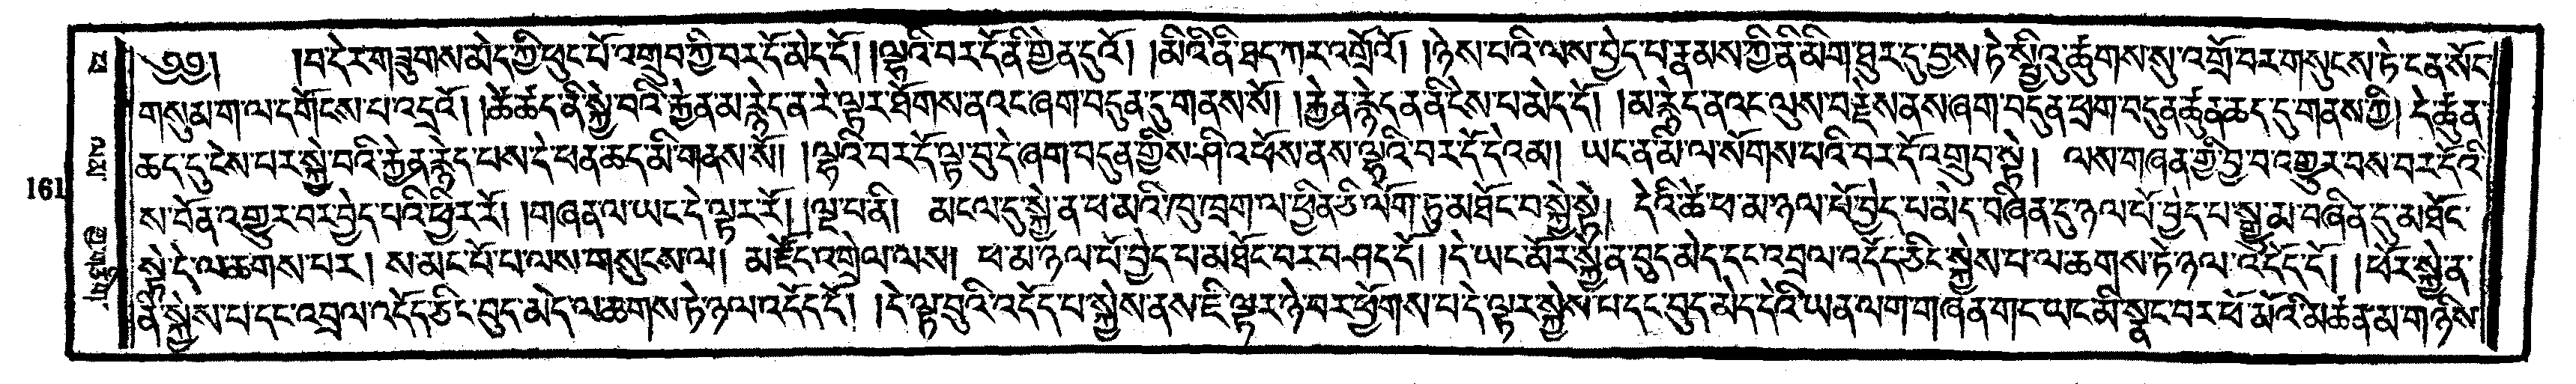༄༅། །བ་དེར་གཟུགས་མེད་ཀྱི་ཕུང་པོ་འགྲུབ་ཀྱི་བར་དོ་མེད་དོ། །ལྷའི་བར་དོ་ནི་གྱེན་དུའོ། །མིའི་ནི་ཐད་ཀར་འགྲོའོ། །ཉེས་པའི་ལས་བྱེད་པ་རྣམས་ཀྱི་ནི་མིག་ཐུར་དུ་བྱས་ཏེ་སྤྱིའུ་ཚུགས་སུ་འགྲོ་བར་གསུངས་ཏེ་ངན་སོང་
གསུམ་ག་ལ་དགོངས་པ་འདྲའོ། །ཚེ་ཚད་ནི་སྐྱེ་བའི་རྐྱེན་མ་རྙེད་ན་རེ་ལྟར་ཐོགས་ནའང་ཞག་བདུན་དུ་གནས་སོ། །རྐྱེན་རྙེད་ན་ནི་ངེས་པ་མེད་དོ། །མ་རྙེད་ནའང་ལུས་བརྗེས་ནས་ཞག་བདུན་ཕྲག་བདུན་ཚུན་ཆད་དུ་གནས་ཀྱི། དེ་ཚུན་
ཆད་དུ་ངེས་པར་སྐྱེ་བའི་རྐྱེན་རྙེད་པས་དེ་ཕན་ཆད་མི་གནས་སོ། །ལྷའི་བར་དོ་ལྟ་བུ་དེ་ཞག་བདུན་གྱིས་ཤི་འཕོས་ནས་ལྷའི་བར་དོ་དེའམ། ཡང་ན་མི་ལ་སོགས་པའི་བར་དོ་འགྲུབ་སྟེ། ལས་གཞན་གྱི་བྱ་བ་འགྱུར་བས་བར་དོའི་
ས་བོན་འགྱུར་བར་བྱེད་པའི་ཕྱིར་རོ། །གཞན་ལ་ཡང་དེ་ལྟར་རོ། །ལྔ་པ་ནི། མངལ་དུ་སྐྱེ་ན་ཕ་མའི་ཁུ་ཁྲག་ལ་ཕྱིན་ཅི་ལོག་ཏུ་མཐོང་བ་སྐྱེ་སྟེ། དེའི་ཚེ་ཕ་མ་ཉལ་པོ་བྱེད་པ་མེད་བཞིན་དུ་ཉལ་པོ་བྱེད་པ་སྒྱུ་མ་བཞིན་དུ་མཐོང་
སྟེ་དེ་ལ་ཆགས་པར། ས་མང་པོ་པ་ལས་གསུངས་ལ། མཛོང་འགྲེལ་ལས། ཕ་མ་ཉལ་པོ་བྱེད་པ་མཐོང་བར་བཤད་དོ། །དེ་ཡང་མར་སྐྱེ་ན་བུད་མེད་དང་འབྲལ་འདོད་ཅིང་སྐྱེས་པ་ལ་ཆགས་ཏེ་ཉལ་འདོད་དོ། །ཕོར་སྐྱེ་ན་
ནི་སྐྱེས་པ་དང་འབྲལ་འདོད་ཅིང་བུད་མེད་ལ་ཆགས་ཏེ་ཉལ་འདོད་དོ། །དེ་ལྟ་བུའི་འདོད་པ་སྐྱེས་ནས་ཇི་ལྟར་ཉེ་བར་ཕྱོགས་པ་དེ་ལྟར་སྐྱེས་པ་དང་བུད་མེད་དེའི་ཡན་ལག་གཞན་གང་ཡང་མི་སྣང་བར་ཕོ་མོའི་མཚན་མ་གཉིས་